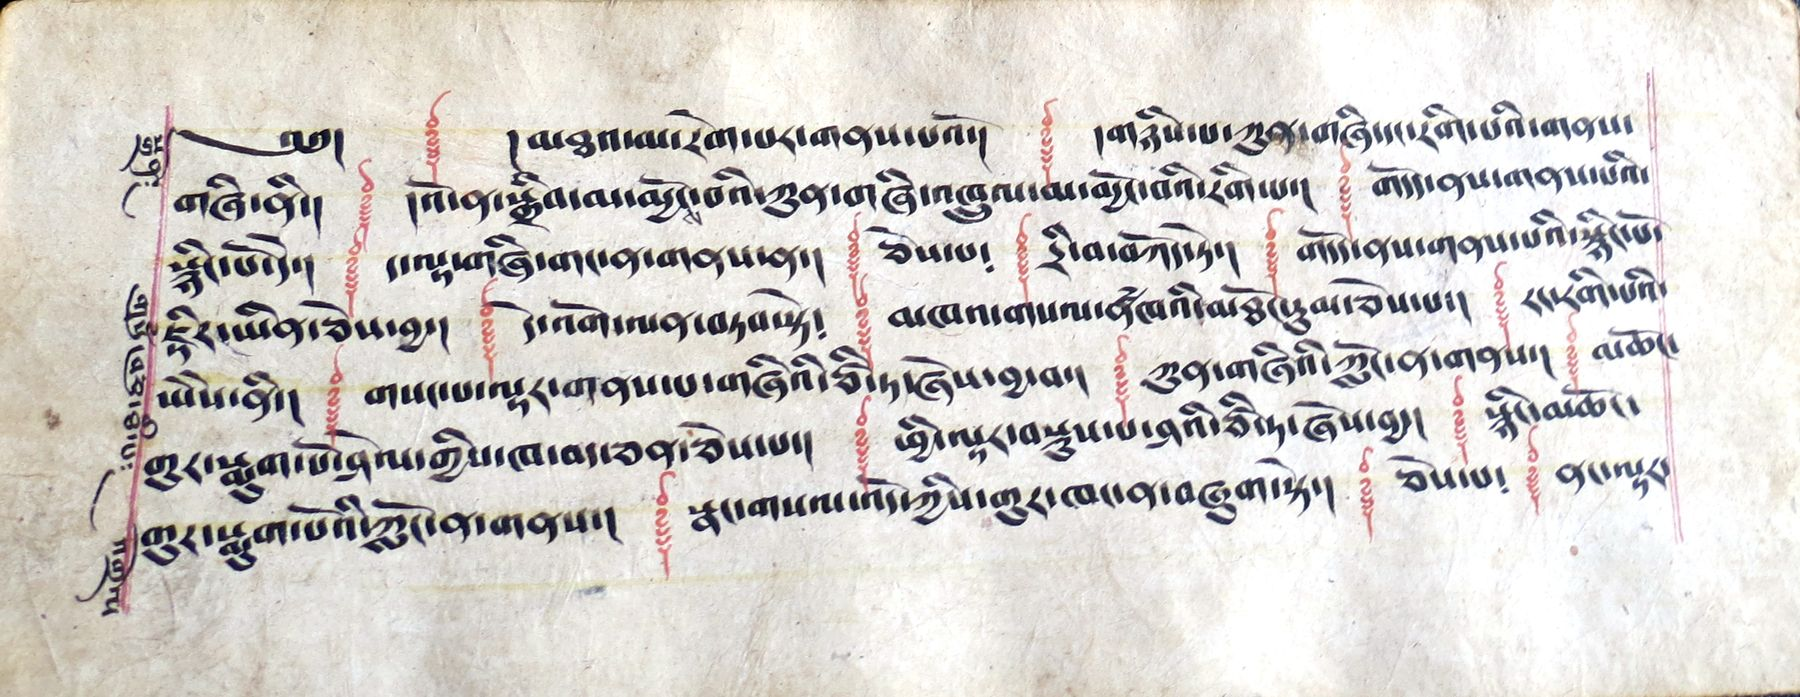མཐས་མ་རེག་པར་གནས་པའོ། །གཉིས་པ་ཀུན་གཞི་དང་རིག་པའི་གནས་
གཞི་ནི། འོ་ན་སྒྲིབ་མ་མྱོང་པའི་ཀུན་གཞི། འཁྲུལ་མ་མྱོང་པའི་རིག་པ། གདོད་ནས་གནས་པའི་
སྙིང་པོ་དེ། དེ་ལྟར་གཞི་གང་ན་གནས་ན། །ཞེས་པས། དྲི་བ་བཀོད་དེ། གདོད་ནས་གནས་པའི་སྙིང་པོ་
ཇི་ལྟར་ཡིན་ཞེས་བྱ། དེ་འོག་ལན་བཏབ་སྟེ། མཁའ་གསལ་ནམ་མཁའི་མཐོང་རུམ། །ཞེས་པས། རང་རིག་པའི་
ཡེ་ཤེས་ནི། གསང་བ་ལྟར་གནས་པ་གཞིའི་ཙི་ཏ་ཞེས་བྱ། ཀུན་གཞིའི་ཀློང་ན་གནས། མཆོང་
གུར་སྨུག་པོ་ཤེལ་གྱི་ཁ་བད་ཅན། །ཞེས་པས། ཕྱི་ལྟར་གདོས་པ་ཤའི་ཙི་ཏ་ཞེས་བྱ། སྙིང་མཆོང་
གུར་སྨུག་པོའི་ཀློང་ན་གནས། སྣང་གསལ་འོད་ཀྱི་གུར་ཁང་ན་བཞུགས་ཏེ། །ཞེས་པས། ནང་ལྟར་